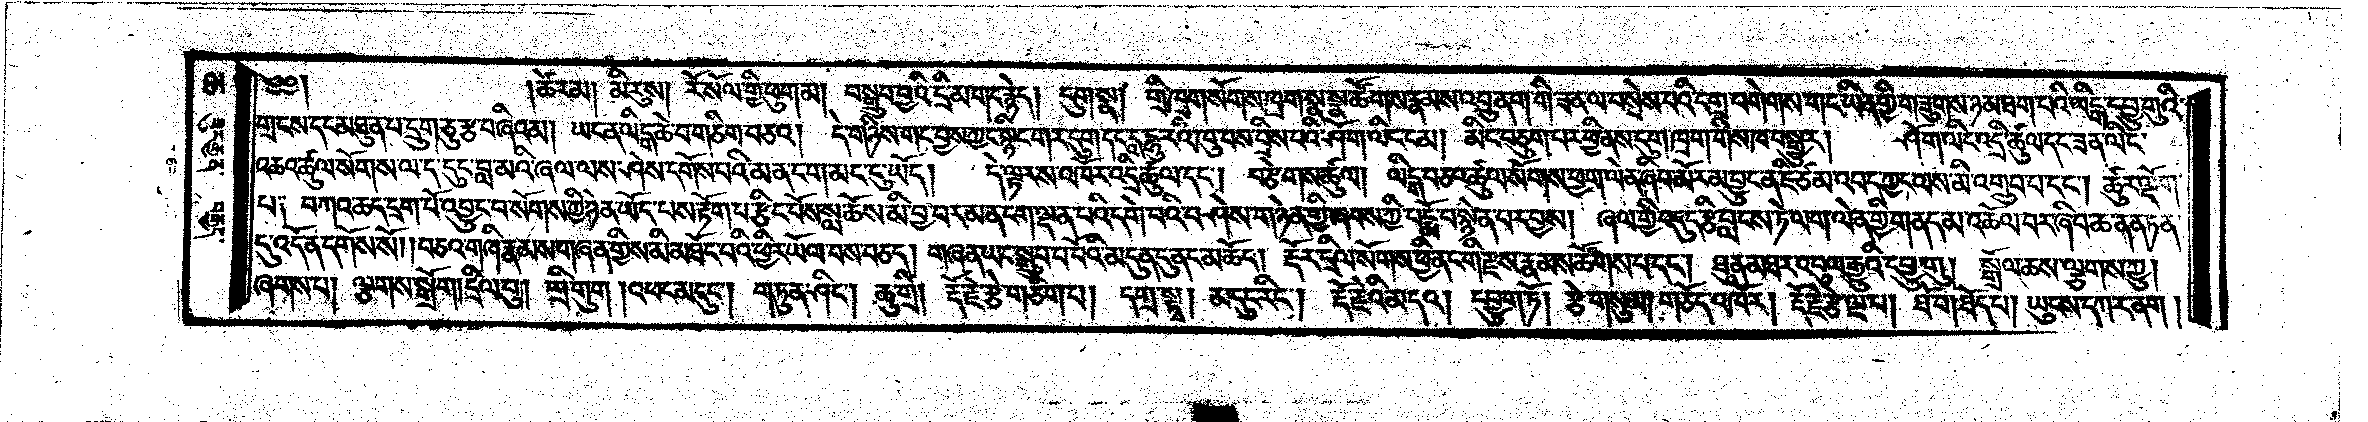༄༅། །ཚེར་མ། མི་རུས། རོ་སོལ་གྱི་ཕུག་མ། བསྒྲུབ་བྱའི་དྲི་མ་གང་རྙེད། དུག་སྣ། གྲི་ཁྲག་སོགས་ཁྲག་སྣ་སྣ་ཚོགས་རྣམས་འབྲུ་ནག་གི་ཟན་ལ་བསྲེས་བའི་དགྲ་བགེགས་གང་ཡིན་གྱི་གཟུགས་ཉམ་ཐག་པའི་ལིངྒ་དབྱུ་གུའི་
གྲངས་དང་མཐུན་པ་དྲུག་ཅུ་རྩ་བཞིའམ། ཡང་ན་ལིངྒ་ཆེ་བ་གཅིག་བཅའ། དེ་གཉིས་གང་བྱས་ཀྱང་སྙིང་གར་དུག་དང་དཱ་དྷུ་རའི་ཁུ་བས་བྲིས་པའི་ཤོག་ལིང་ངམ། མིང་བཅུག་པར་ཕྱི་ནས་དུག་ཁྲག་གིས་ཁ་བསྒྱུར། ཤོག་ལིང་འདྲི་ཚུལ་དང་ཟན་ལིང་
འཆའ་ཚུལ་སོགས་ལ་ད་དུང་བླ་མའི་ཞལ་ལས་ཤེས་དགོས་པའི་མན་ངག་མང་དུ་ཡོད། དེ་ལྟར་ས་འཁོར་འདྲི་ཚུལ་དང་། བརྩེགས་ཚུལ། ལིངྒ་བཅའ་ཚུལ་སོགས་ཕྱག་ལེན་ཞིབ་མོར་མ་བྱུང་ན་ཇི་ཙམ་འབད་ཀྱང་ལས་མི་འགྲུབ་པ་དང་། ཚུར་ལྡོག་
པ༑ བཀའ་ཆད་དྲག་པོ་འབྱུང་བ་སོགས་ཀྱི་ཉེན་ཡོད་པས་རྟོག་པ་རྩིང་པོས་སླ་ཆོས་མི་བྱ་བར་མན་ངག་ལྡན་པའི་དགེ་བའི་བཤེས་གཉེན་གྱི་ཞབས་ཀྱི་པདམོ་བསྙེན་པར་བྱས། ཞལ་གྱི་བདུད་རྩི་བླངས་ཏེ་ལག་ལེན་གྱི་གནད་མ་འཆོལ་བར་ཞིབ་ཆ་ནན་ཏན་
དུ་འདོད་དགོས་སོ། །བཅའ་གཞི་རྣམས་གཞན་གྱིས་མི་མཐོང་བའི་ཕྱིར་ཡོལ་བས་བཅད། གཞན་ཡང་སྒྲུབ་པ་པོའི་མདུན་དུ་ནང་མཆོད། རྡོར་དྲིལ་སོགས་ཕྱི་ནང་གི་རྫས་རྣམས་ཚོགས་པ་དང་། ཐུན་མཐར་འབུལ་རྒྱུའི་དབྱུ་གུ། སྒྲོལ་ཆས་ལྕགས་ཀྱུ།
ཞགས་པ། ལྕགས་སྒྲོག། དྲིལ་བུ། གྲི་གུག། འཕང་མདུང་། གཏུན་ཤིང་། ཆུ་གྲི། རྡོ་རྗེ་གཅིག་པ། དགྲ་སྟྭ། མདུང་རིང་། རྡོ་རྗེའི་མདའ། དབྱུག་ཏོ། རྩེ་གསུམ། གཅོད་འཁོར། རྡོ་རྗེ་རྩེ་ལྔ་པ། ཐོ་བ། ཐོད་པ། ཡུངས་དཀར་ནག།